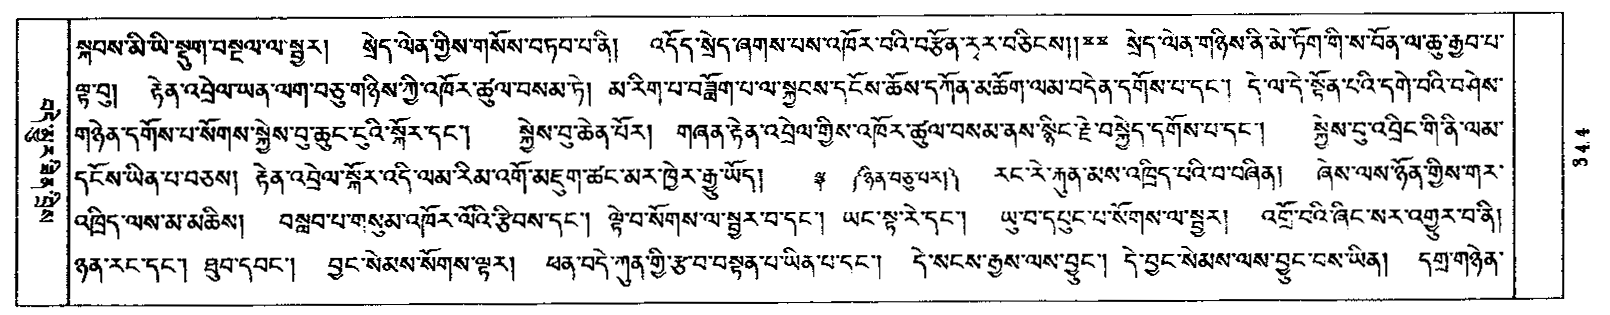སྐབས་མི་ཡི་སྡུག་བསྔལ་ལ་སྦྱར། སྲེད་ལེན་གྱིས་གསོས་བཏབ་པ་ནི། འདོད་སྲེད་ཞགས་པས་འཁོར་བའི་བརྩོན་རྭར་བཅིངས།། ྾་྾་སྲེད་ལེན་གཉིས་ནི་མེ་ཏོག་གི་ས་བོན་ལ་ཆུ་རྒྱབ་པ་
ལྟ་བུ། རྟེན་འབྲེལ་ཡན་ལག་བཅུ་གཉིས་ཀྱི་འཁོར་ཚུལ་བསམ་ཏེ། མ་རིག་པ་བཟློག་པ་ལ་སྐྱབས་དངོས་ཆོས་དཀོན་མཆོག་ལམ་བདེན་དགོས་པ་དང་། དེ་ལ་དེ་སྟོན་པའི་དགེ་བའི་བཤེས་
གཉེན་དགོས་པ་སོགས་སྐྱེས་བུ་ཆུང་ངུའི་སྐོར་དང་། སྐྱེས་བུ་ཆེན་པོར། གཞན་རྟེན་འབྲེལ་གྱིས་འཁོར་ཚུལ་བསམ་ནས་སྙིང་རྗེ་བསྐྱེད་དགོས་པ་དང་། སྐྱེས་བུ་འབྲིང་གི་ནི་ལམ་
དངོས་ཡིན་པ་བཅས། རྟེན་འབྲེལ་སྐོར་འདི་ལམ་རིམ་འགོ་མཇུག་ཚང་མར་ཁྱེར་རྒྱུ་ཡོད། ༈ ཉིན་བཅུ་པར།?་རང་རེ་རྐུན་མས་འཁྲིད་པའི་བ་བཞིན། ཞེས་ལས་ཉོན་གྱིས་གར་
འཁྲིད་ལས་མ་མཆིས། བསླབ་པ་གསུམ་འཁོར་ལོའི་རྩིབས་དང་། ལྟེ་བ་སོགས་ལ་སྦྱར་བ་དང་། ཡང་སྟ་རེ་དང་། ཡུ་བ་དཔུང་པ་སོགས་ལ་སྦྱར། འགྲོ་བའི་ཞིང་སར་འགྱུར་བ་ནི།
ཉན་རང་དང་། ཐུབ་དབང་། བྱང་སེམས་སོགས་ལྟར། ཕན་བདེ་ཀུན་གྱི་རྩ་བ་བསྟན་པ་ཡིན་པ་དང་། དེ་སངས་རྒྱས་ལས་བྱུང་། དེ་བྱང་སེམས་ལས་བྱུང་བས་ཡིན། དགྲ་གཉེན་